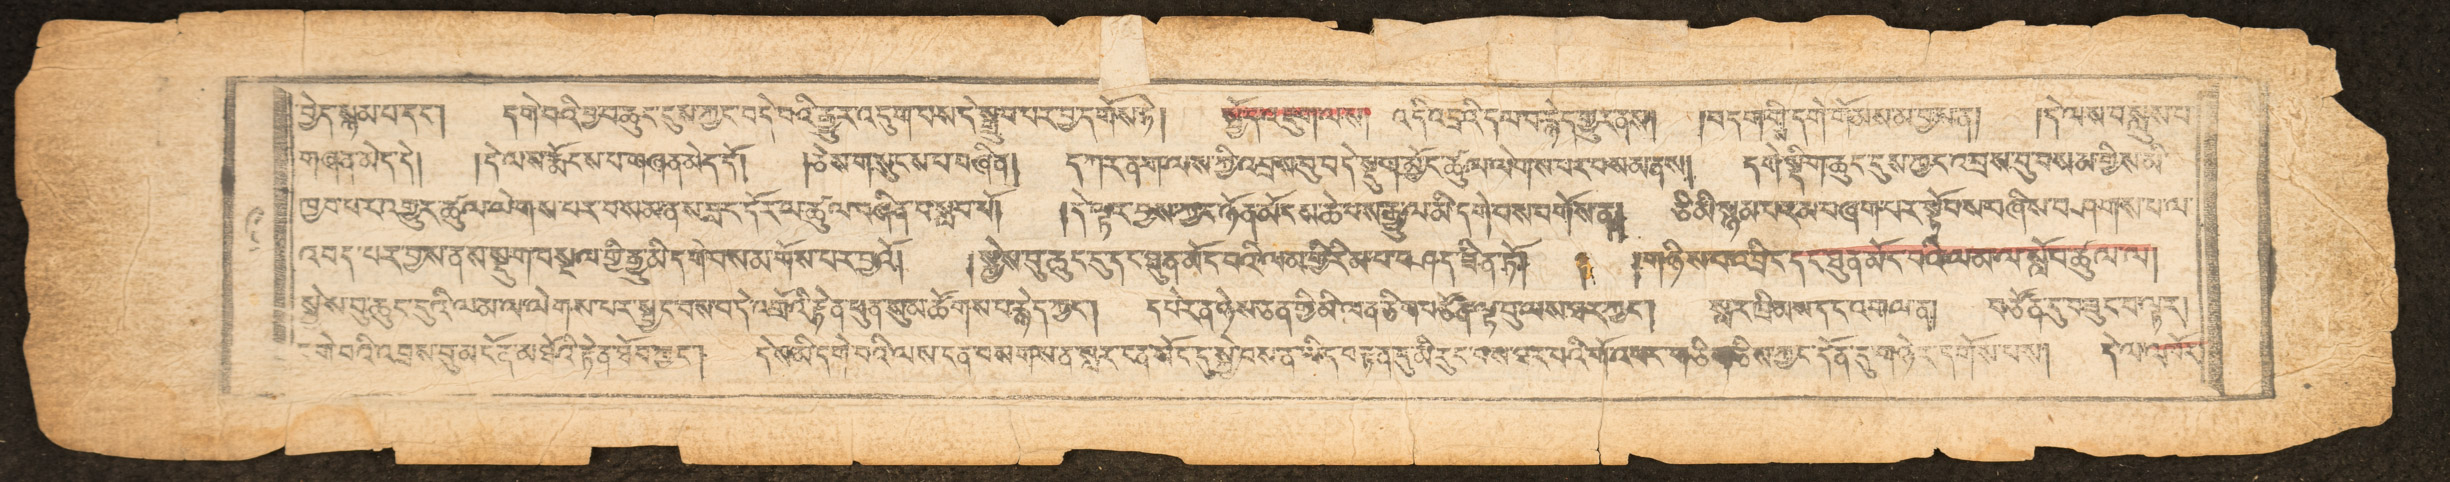བྱེད་སྙམ་པ་དང་། དགེ་བའི་བྱང་ཆུབ་དུས་ཀྱང་བདེ་བའི་རྒྱུར་འདུག་པས་དེ་སྒྲུབ་པར་བྱ་དགོས་ཏེ། སྤྱོད་གཟུངས?། འདིར་དྲའི་དབང་སྙེད་གྱུར་ནས། །བདག་གིས་དགེ་ཀོམས?་བྱས་ན། །དེ་ལས་བསླུས?་?
གཞན་མེད་དེ། །དེ་ལས་རྨོངས་པ་གཞན་མེད་དོ། །ཅེས་གསུངས་པ་བཞིན། དཀར་ནག་ལས་ཀྱི་འབྲས་བུ་བདེ་སྡུག་མྱོང་ཚུལ་ལེགས་པར་བསམ་ནས། དགེ་སྡིག་ཆུང་དུས་ཀྱང་འབྲས་བུ་བསམ་གྱིས་མི་
ཁྱབ་པར་འགྱུར་ཚུལ་ལེགས་པར་བསམ་ནས་བླང་དོར་ལ་ཚུལ་བཞིན་བསླབ་པོ། །དེ་ལྟར་བྱས་ཀྱང་ཉོན་མོངས་ཆེ་བས་རྒྱུ་ལ་མི་དགེ་བས་བགོས་ན?། ཅི་མི་སྙམ་པར་མ་བཞག་པར་སྟོབས་བཞིས་བཤགས་པ་ལ་
འབད་པར་བྱས་ནས་སྡུག་བསྔལ་གྱི་རྒྱུ་མི་དགེ་བསམ་གོས་པར་བྱའོ། །སྐྱེས་བུ་ཆུང་ངུ་དང་ཐུན་མོང་བའི་ལམ་གྱི་རིམ་པ་བཤད་ཟིན་ཏོ། ༈ །གཉིས་པ་འབྲིང་དང་ཐུན་མོང་བའི་ལམ་ལ་སློབ་ཚུལ་ལ།
སྐྱེས་བུ་ཆུང་ངུའི་ལམ་ལ་ལེགས་པར་སྦྱང་བས་བདེ་འགྲོའི་རྟེན་ཕུན་སུམ་ཚོགས་པ་རྙེད་ཀྱང་། དཔེར་ན་ཉེས་ཅན་གྱི་མི་ལན་ཅིག་བཙོན་ལྟ་བུ་ལས་ཐར་ཀྱང་། སླར་ཁྲིམས་དང་འགལ་ན། བཙོན་དུ་བཟུང་བ་ལྟར།
དགེ་བའི་འབྲས་བུ་མངོན་མཐོའི་རྟེན་ཐོབ་ཀྱང་། དེས་མི་དགེ་བའི་ལས་ངན་བསགས་ན་སླར་ངན་སོང་དུ་སྐྱེ་བས་ན་ཡིད་བརྟན་དུ་མི་རུང་བས་ཐར་པའི་གོ་འཕང་གཅིག་ཅིས་ཀྱང་དོན་དུ་གཉེར་དགོས་པས། དེ་ལ་འཁོརྠིས་པེཇ་ཨིས་ནོཏ་ཅླེཨར་